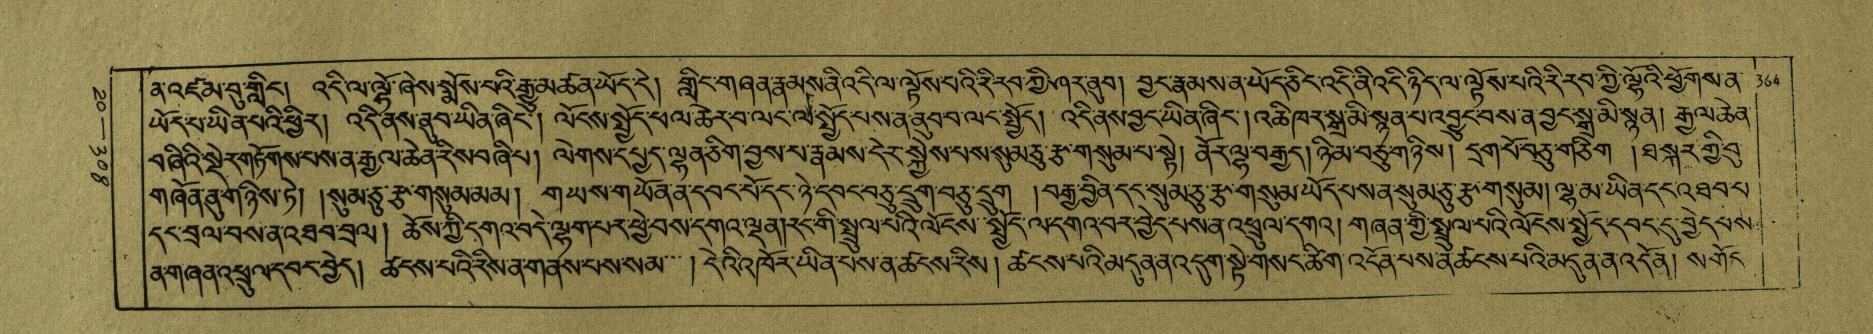ན་འཛམ་བུ་གླིང་། འདི་ལ་ལྷོ་ཞེས་སྨོས་པའི་རྒྱུ་མཚན་ཡོད་དེ། གླིང་གཞན་རྣམས་ནི་འདི་ལ་ལྟོས་པའི་རི་རབ་ཀྱི་ཤར་ནུབ། བྱང་རྣམས་ན་ཡོད་ཅིང་འདི་ནི་འདི་ཉིད་ལ་ལྟོས་པའི་རི་རབ་ཀྱི་ལྷོའི་ཕྱོགས་ན་
ཡོད་པ་ཡིན་པའི་ཕྱིར། འདི་ནས་ནུབ་ཡིན་ཞིང་། ལོངས་སྤྱོད་ཕལ་ཆེར་བ་ལང་ལ་སྤྱོད་པས་ན་ནུབ་བ་ལང་སྤྱོད། འདི་ནས་བྱང་ཡིན་ཞིང་། འཆི་ཁར་སྒྲ་མི་སྙན་པ་འབྱུང་བས་ན་བྱང་སྒྲ་མི་སྙན། རྒྱལ་ཆེན་
བཞིའི་སྡེར་གཏོགས་པས་ན་རྒྱལ་ཆེན་རིས་བཞི་པ། ལེགས་དཔྱད་ལྷན་ཅིག་བྱས་པ་རྣམས་དེར་སྐྱེས་པས་སུམ་ཅུ་རྩ་གསུམ་པ་སྟེ། ནོར་ལྷ་བརྒྱད། ཉི་མ་བཅུ་གཉིས། དྲག་པོ་བཅུ་གཅིག །ཐ་སྐར་གྱི་བུ་
གཞོན་ནུ་གཉིས་ཏེ། །སུམ་ཅུ་རྩ་གསུམ་མམ། གཡས་གཡོན་ན་དབང་པོ་དང་ཉེ་དབང་བཅུ་དྲུག་བཅུ་དྲུག །བརྒྱ་བྱིན་དང་སུམ་ཅུ་རྩ་གསུམ་ཡོད་པས་ན་སུམ་ཅུ་རྩ་གསུམ། ལྷ་མ་ཡིན་དང་འཐབ་པ་
དང་བྲལ་བས་ན་འཐབ་བྲལ། ཆོས་ཀྱི་དགའ་བདེ་ལྷག་པར་ཕྱེ་བས་དགའ་ལྡན། རང་གི་སྤྲུལ་པའི་ལོངས་སྤྱོད་ལ་དགའ་བར་བྱེད་པས་ན་འཕྲུལ་དགའ། གཞན་གྱི་སྤྲུལ་པའི་ལོངས་སྤྱོད་དབང་དུ་བྱེད་པས་
ན་གཞན་འཕྲུལ་དབང་བྱེད། ཚངས་པའི་རིས་ན་གནས་པས་སམ། དེའི་འཁོར་ཡིན་པས་ན་ཚངས་རིས། ཚངས་པའི་མདུན་ན་འདུག་སྟེ་གསང་ཚིག་འདོན་པས་ན་ཚངས་པའི་མདུན་ན་འདོན། ས་གོང་